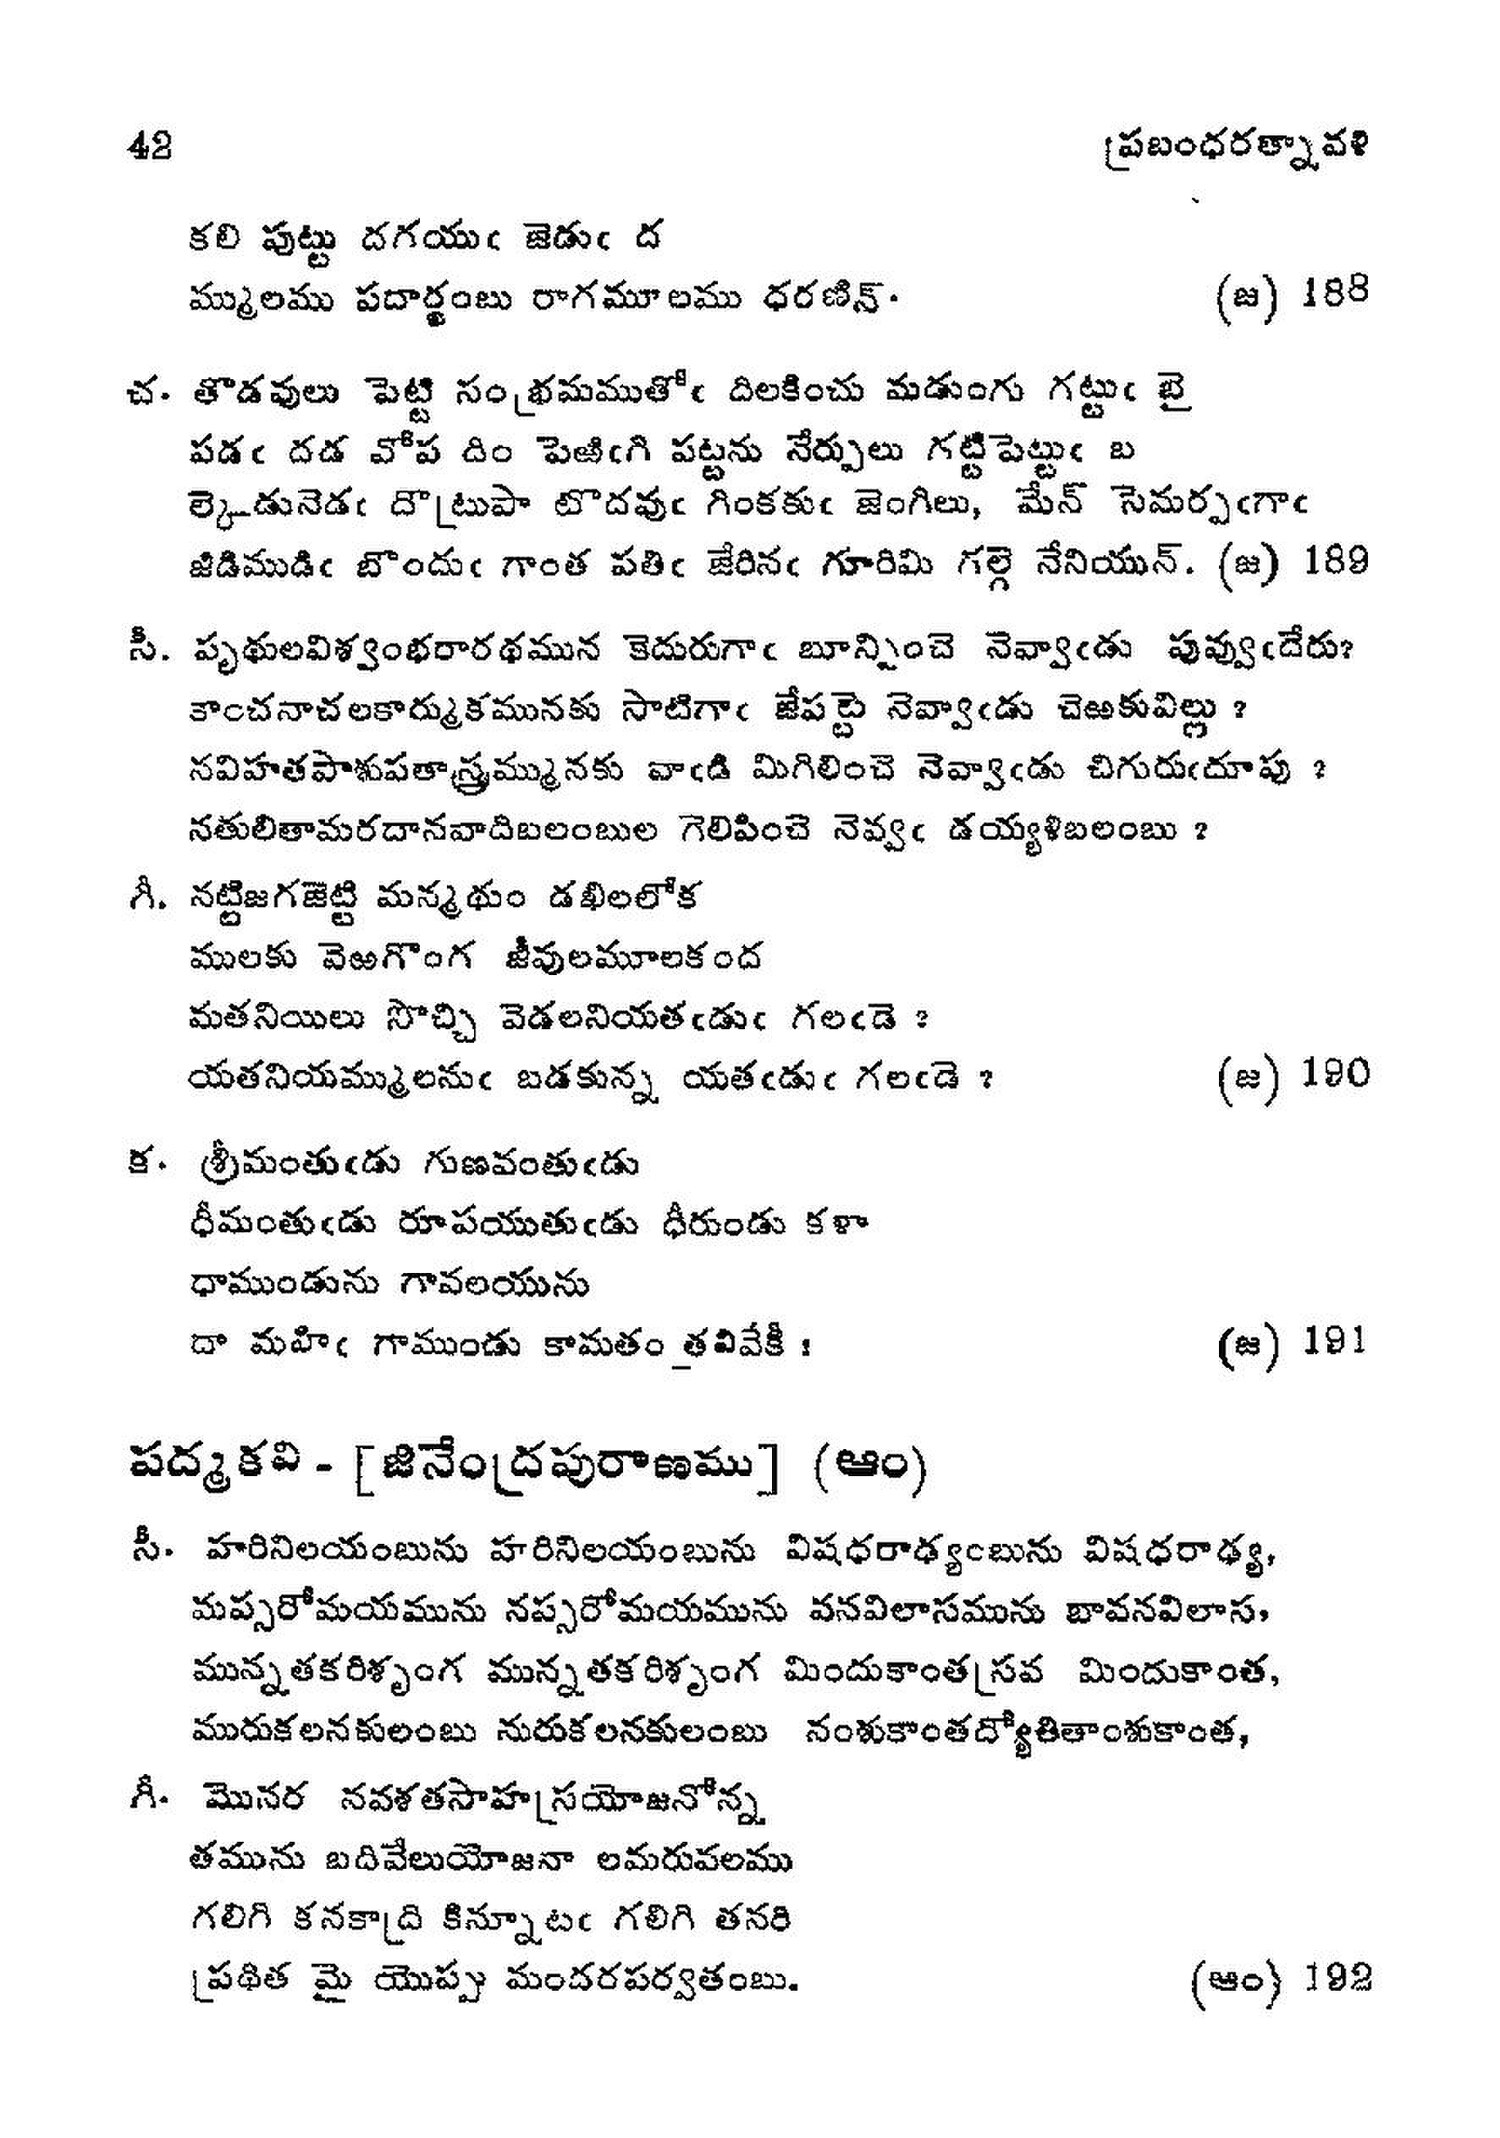కలి పుట్టు దగయుఁ జెడుఁ ద
మ్ములము పదార్థంబు రాగమూలము ధరణిన్. (జ) 188

చ. తొడవులు పెట్టి సంభ్రమముతోఁ దిలకించు మడుంగుఁ గట్టుఁ బై
పడఁ దడవోప దింపెఱిఁగి పట్టను నేర్పులు గట్టిపెట్టుఁ బ
ల్కెడునెడఁ దొట్రుపాటొదవుఁ గింకకు జెంగిలు మేన్ సెమర్పఁగాఁ
జిడుముడిఁ బొందుఁ గాంత పతిఁ జేరిన కూరిమి గల్గెనేనియున్. (జ) 189

సీ. పృథులవిశ్వంభరా రధమున కెదురుగాఁ బూన్పించె నెవ్వాఁడు పువ్వుఁదేరు?
కాంచనాచలకార్ముకమునకు సాటిగాఁ జేపట్టె నెవ్వాఁడు చెఱకువిల్లు?
నవిహతపాశుపతాస్త్రమ్మునకు వాఁడి మిగిలించె నెవ్వాఁడు చిగురుఁదూపు?
నతులితామరదానవాదిబలంబుల గెలిపించె నెవ్వఁ డయ్యళిబలంబు?
తే. నట్టి జగజెట్టి మన్మథుం డఖిలలోక
ములకు వెఱగొంగ జీవుల మూలకంద
మతని యిలు సొచ్చి వెడలని యతఁడుఁ గలఁడె?
యతని యమ్ములనుఁ బడకున్న యతఁడుఁ గలఁడె? (జ) 190

క. శ్రీమంతుఁడు గుణవంతుఁడు
ధీమంతుఁడు రూపయుతుఁడు ధీరుండు కళా
ధాముండును గావలయును
దా మహిఁ గాముండు కామతంత్రవివేకీ! (జ) 191

సీ. హరినిలయంబును హరినిలయంబును విషధరాఢ్యంబును విషధరాఢ్య,
మప్సరోమయమును నప్సరోమయమును వనవిలాసమును బావనవిలాస,
మున్నతకరిశృంగ మున్నతకరిశృంగ మిందుకాంతస్రవ మిందుకాంత,
మురుకలనకులంబు నురుకలనకులంబు నంశుకాంతద్యోతి తాంశుకాంత,
గీ. మొనర నవశతసాహస్రయోజ నోన్న
తమును బదివేలు యోజనా లమరువలము
గలిగి కనకాద్రి కిన్నూటఁ గలిగి తనరి
ప్రథితమై యొప్పు మందరపర్వతంబు. (ఆం) 192